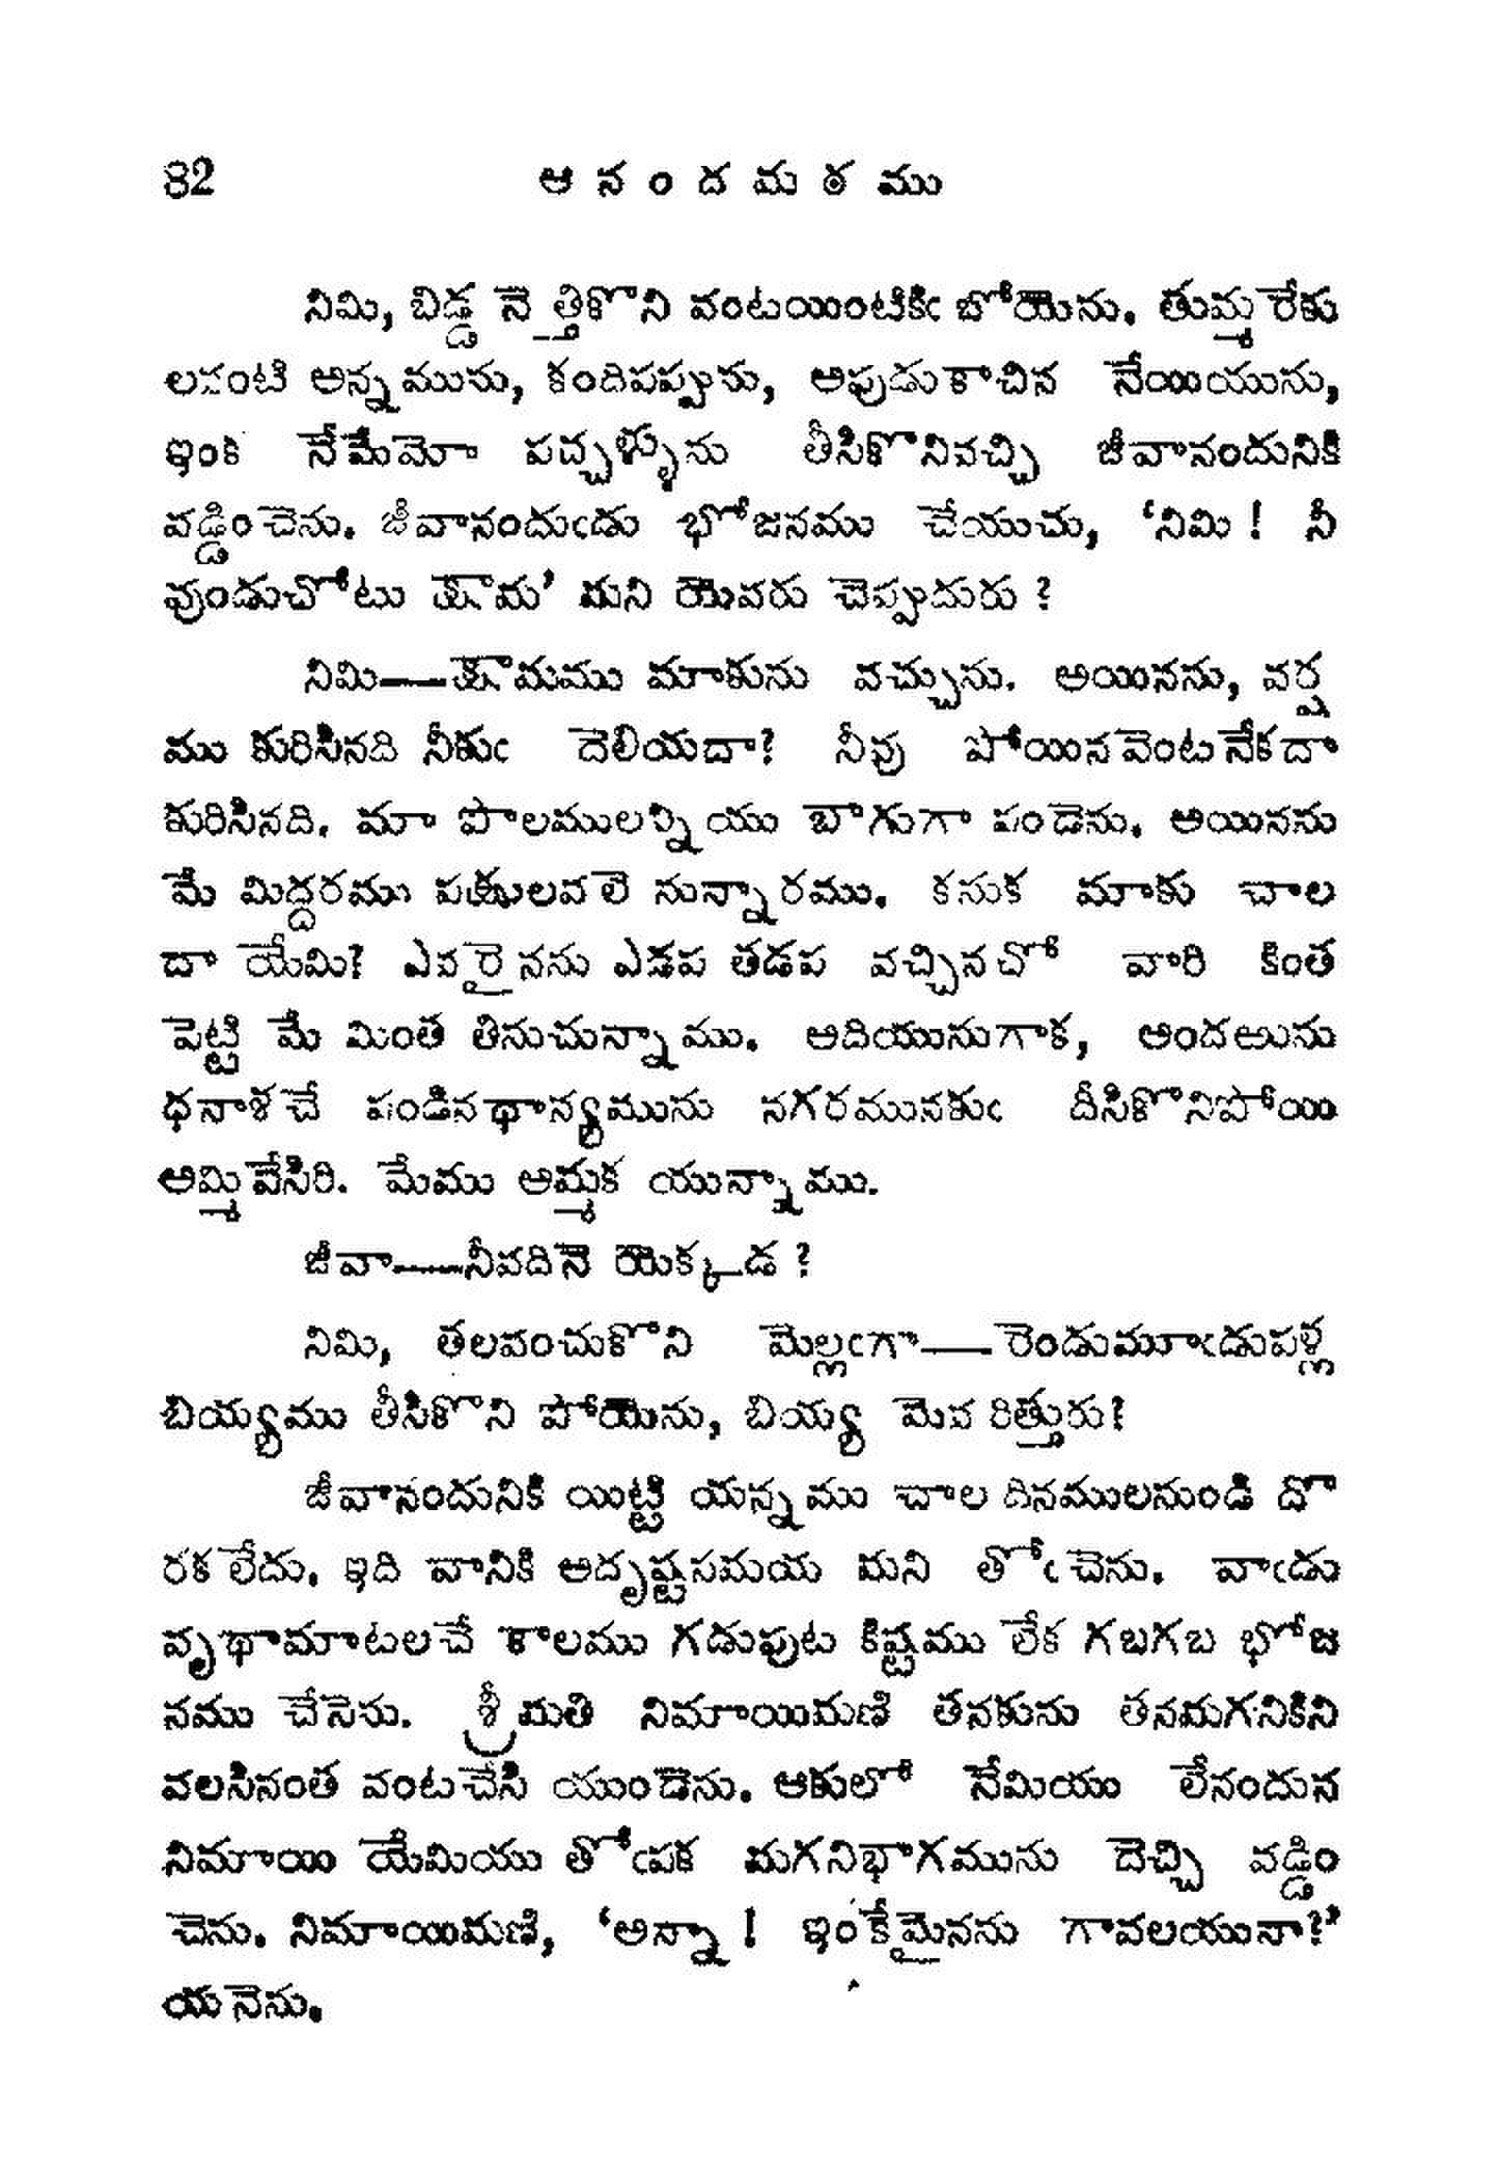నిమి, బిడ్డ నెత్తికొని వంటయింటికిఁ బోయెను. తుమ్మ రేకులవంటి అన్నమును, కందిపప్పును, అపుడుకాచిన నేయియును, ఇంక నేమేమో పచ్చళ్ళును తీసికొనివచ్చి జీవానందునికి వడ్డించెను. జీవానందుఁడు భోజనము చేయుచు, 'నిమి ! నీ వుండుచోటు క్షామ' మని యెవరు చెప్పుదురు?

నిమి——క్షామము మాకును వచ్చును. అయినను, వర్షము కురిసినది నీకు దెలియదా? నీవు పోయిన వెంటనేకదా
కురిసినది, మా పొలములన్ని యు బాగుగా పండెను. అయినను మే మిద్దరము పక్షులవలె నున్నారము, కసుక మాకు చాలదా యేమి? ఎవరైనను ఎడప తడప వచ్చినచో వారి కింత పెట్టి మే మింత తినుచున్నాము. అదియునుగాక, అందఱును ధనాశ చే పండిన ధాన్యమును నగరమునకుఁ దీసికొనిపోయి అమ్మి వేసిరి. మేము అమ్మక యున్నాము.

జీవా—— నీవదినె యెక్కడ ?

నిమి, తలవంచుకొని మెల్లఁగా—— రెండుమూఁడుపళ్ల బియ్యము తీసికొని పోయెను, బియ్య మెవ రిత్తురు ?

జీవానందునికి యిట్టి యన్నము చాల దీనములనుండి దొరక లేదు. ఇది వానికి అదృష్టసమయ మని తోఁచెను. వాఁడు
వృథామాటలచే 'కాలము గడుపుట కిష్టము లేక గబగబ భోజనము చేసెను. శ్రీమతి నిమాయిమణి తనకును తనమగనికిని
వలసినంత వంట చేసి యుండెను. ఆకులో నేమియు లేనందున నిమాయి యేమియు తోఁపక మగని భాగమును దెచ్చి వడ్డిం
చెను. నిమాయిమణి, 'అన్నా ! ఇంకేమైనను గావలయునా?'యనెను.